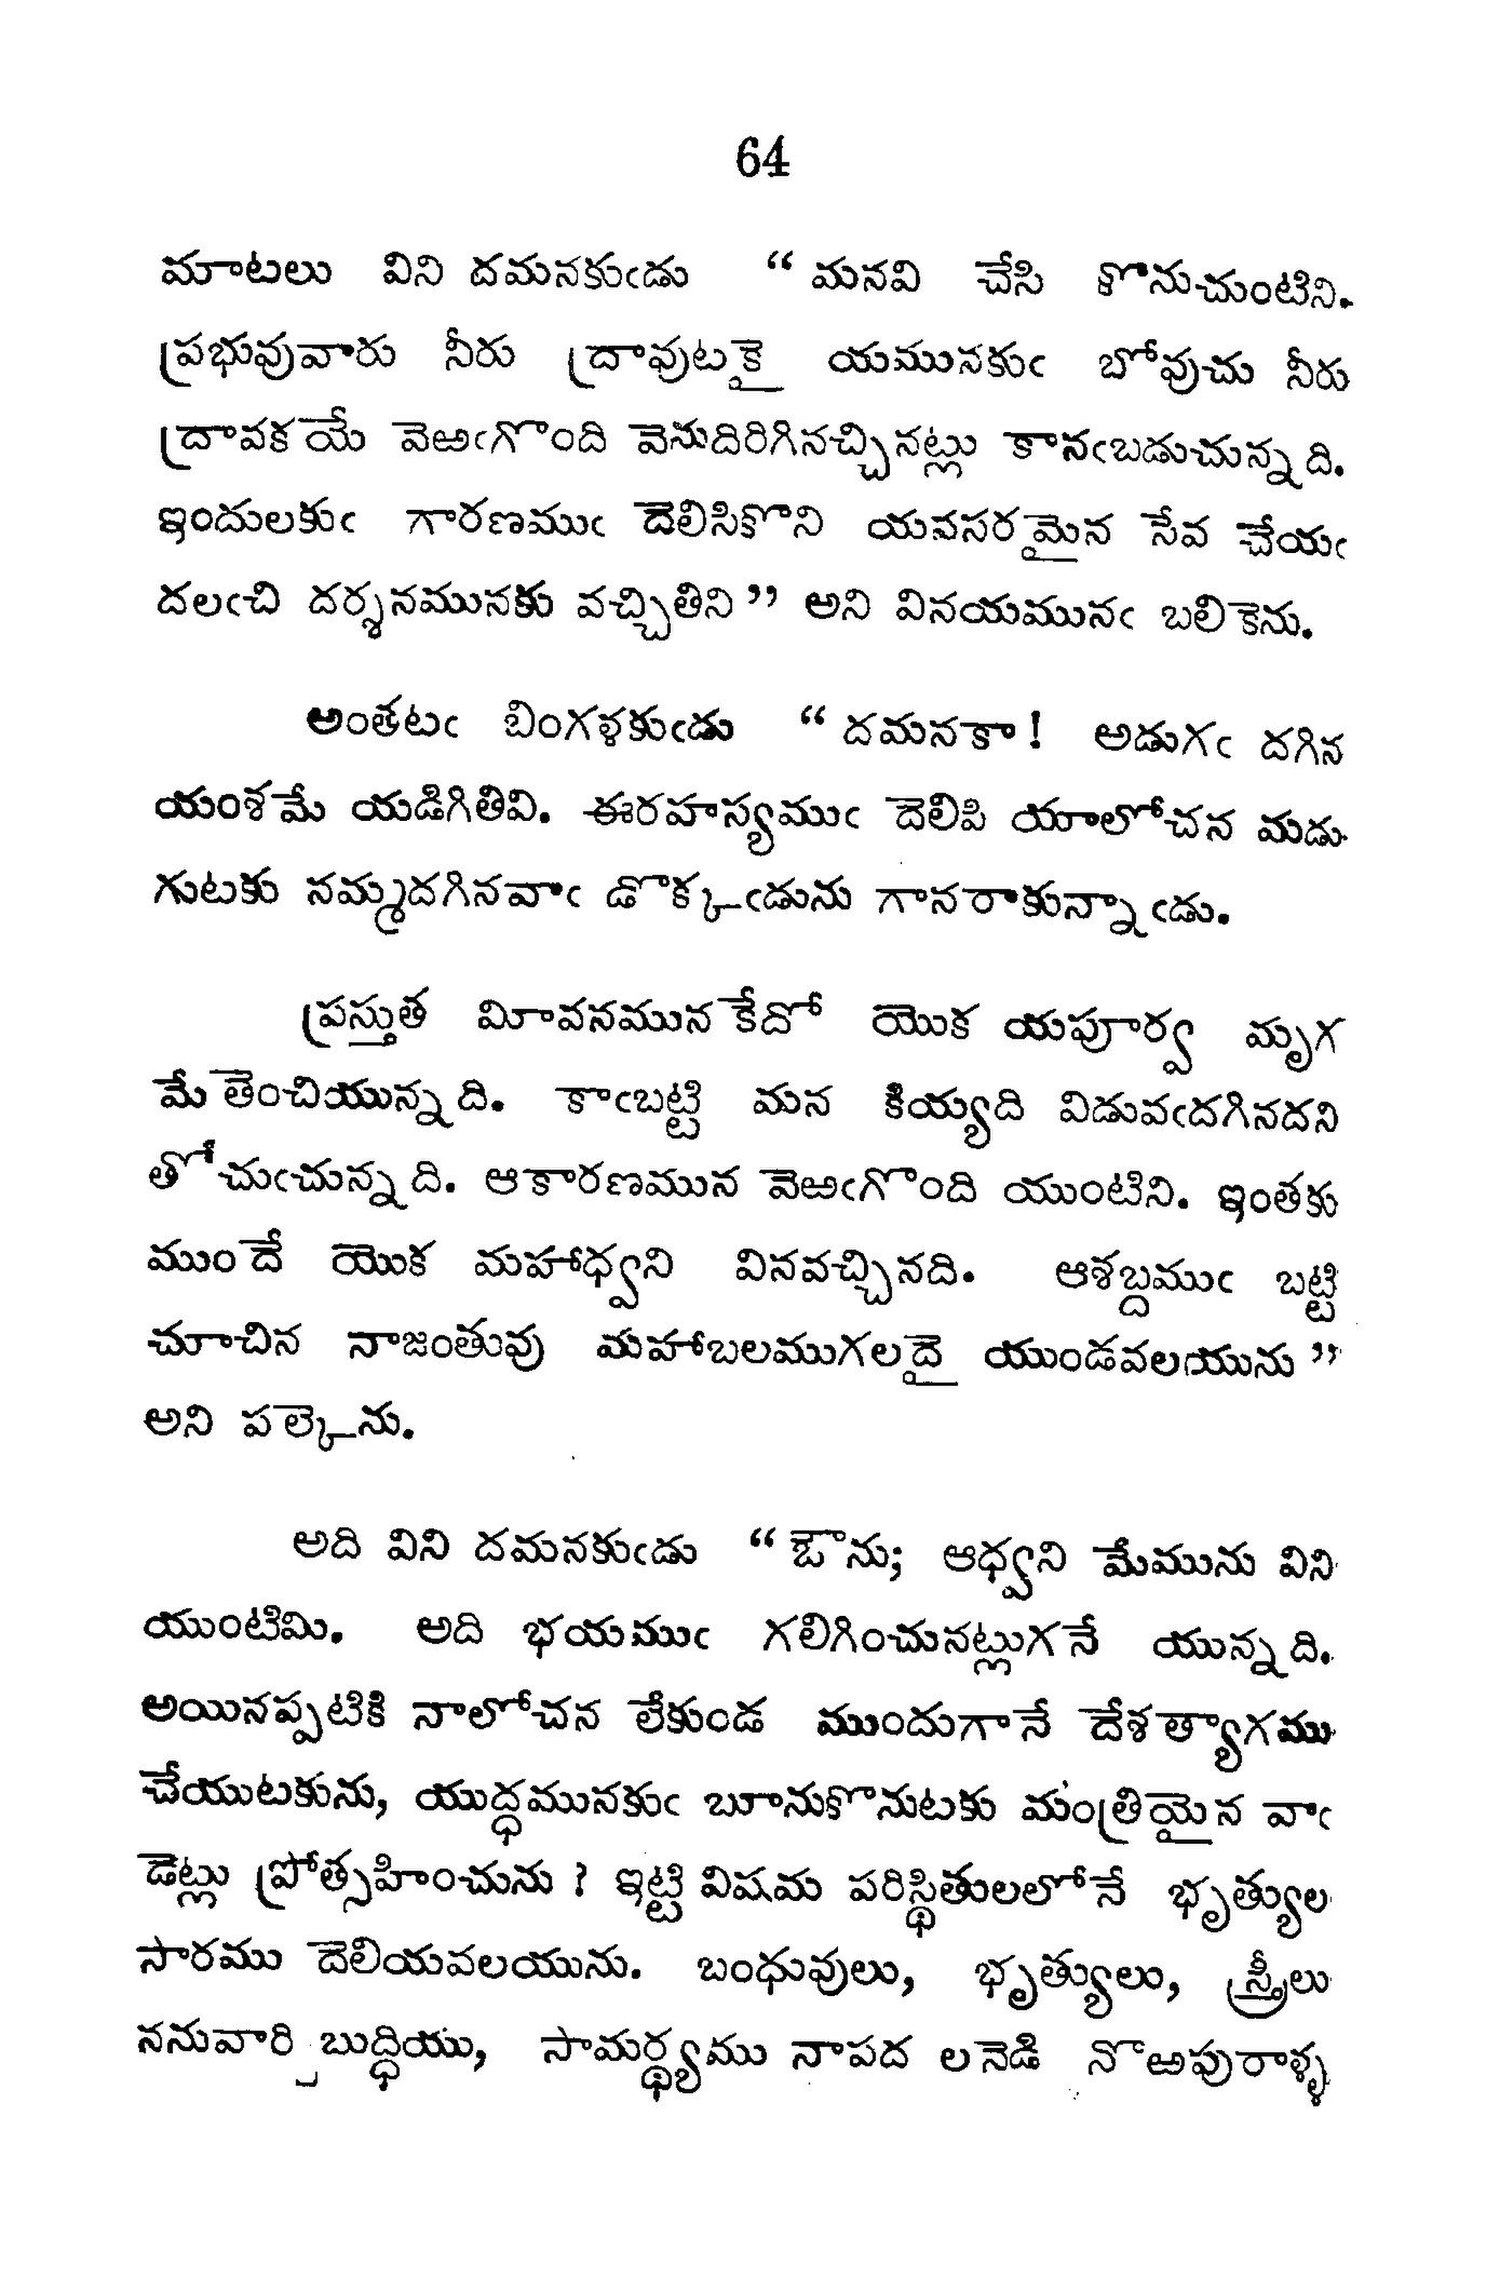మాటలు విని దమనకుడు "మనవి చేసి కొనుచుంటిని. ప్రభువువారు నీరు ద్రావుటకై యమునకు బోవుచు నీరు ద్రావకయే వెఱ గొంది వెనుదిరిగివచ్చినట్లు కానబడుచున్నది. ఇందులకు గారణము దెలిసికొని యవసరమైన సేవ చేయదలచి దర్శనమునకు వచ్చితిని" అని వినయమున బలికెను.

అంతట బింగళకుడు "దమనకా! అడుగ దగిన యంశమే యడిగితివి. ఈరహస్యము దెలిపి యాలోచన మడుగుటకు నమ్మదగినవా డొక్కడును గానరాకున్నాడు.

ప్రస్తుత మీవనమున కేదో యొక పపూర్వ మృగ మేతెంచియున్నది. కాబట్టి మన కియ్యది విడువదగినదని తోచుచున్నది. ఆకారణమున వెఱగొంది యుంటిని. ఇంతకు ముందే యొక మహాధ్వని వినవచ్చినది. ఆశబ్దము బట్టి చూచిన నాజంతువు మహాబలముగలదై యుండవలయును" అని పల్కెను.

అది విని దమనకుడు "ఔను; ఆధ్వని మేమును విని యుంటిమి. అది భయము గలిగించునట్లుగనే యున్నది. అయినప్పటికి నాలోచన లేకుండ ముందుగానే దేశత్యాగము చేయుటకును, యుద్ధమునకు బూనుకొనుటకు మంత్రియైన వా డెట్లు ప్రోత్సహించును? ఇట్టి విషమ పరిస్థితులలోనే భృత్యుల సారము దెలియవలయును. బంధువులు, భృత్యులు, స్త్రీలు ననువారి బుద్ధియు, సామర్థ్యము నాపద లనెడి నొఱపురాళ్ళ